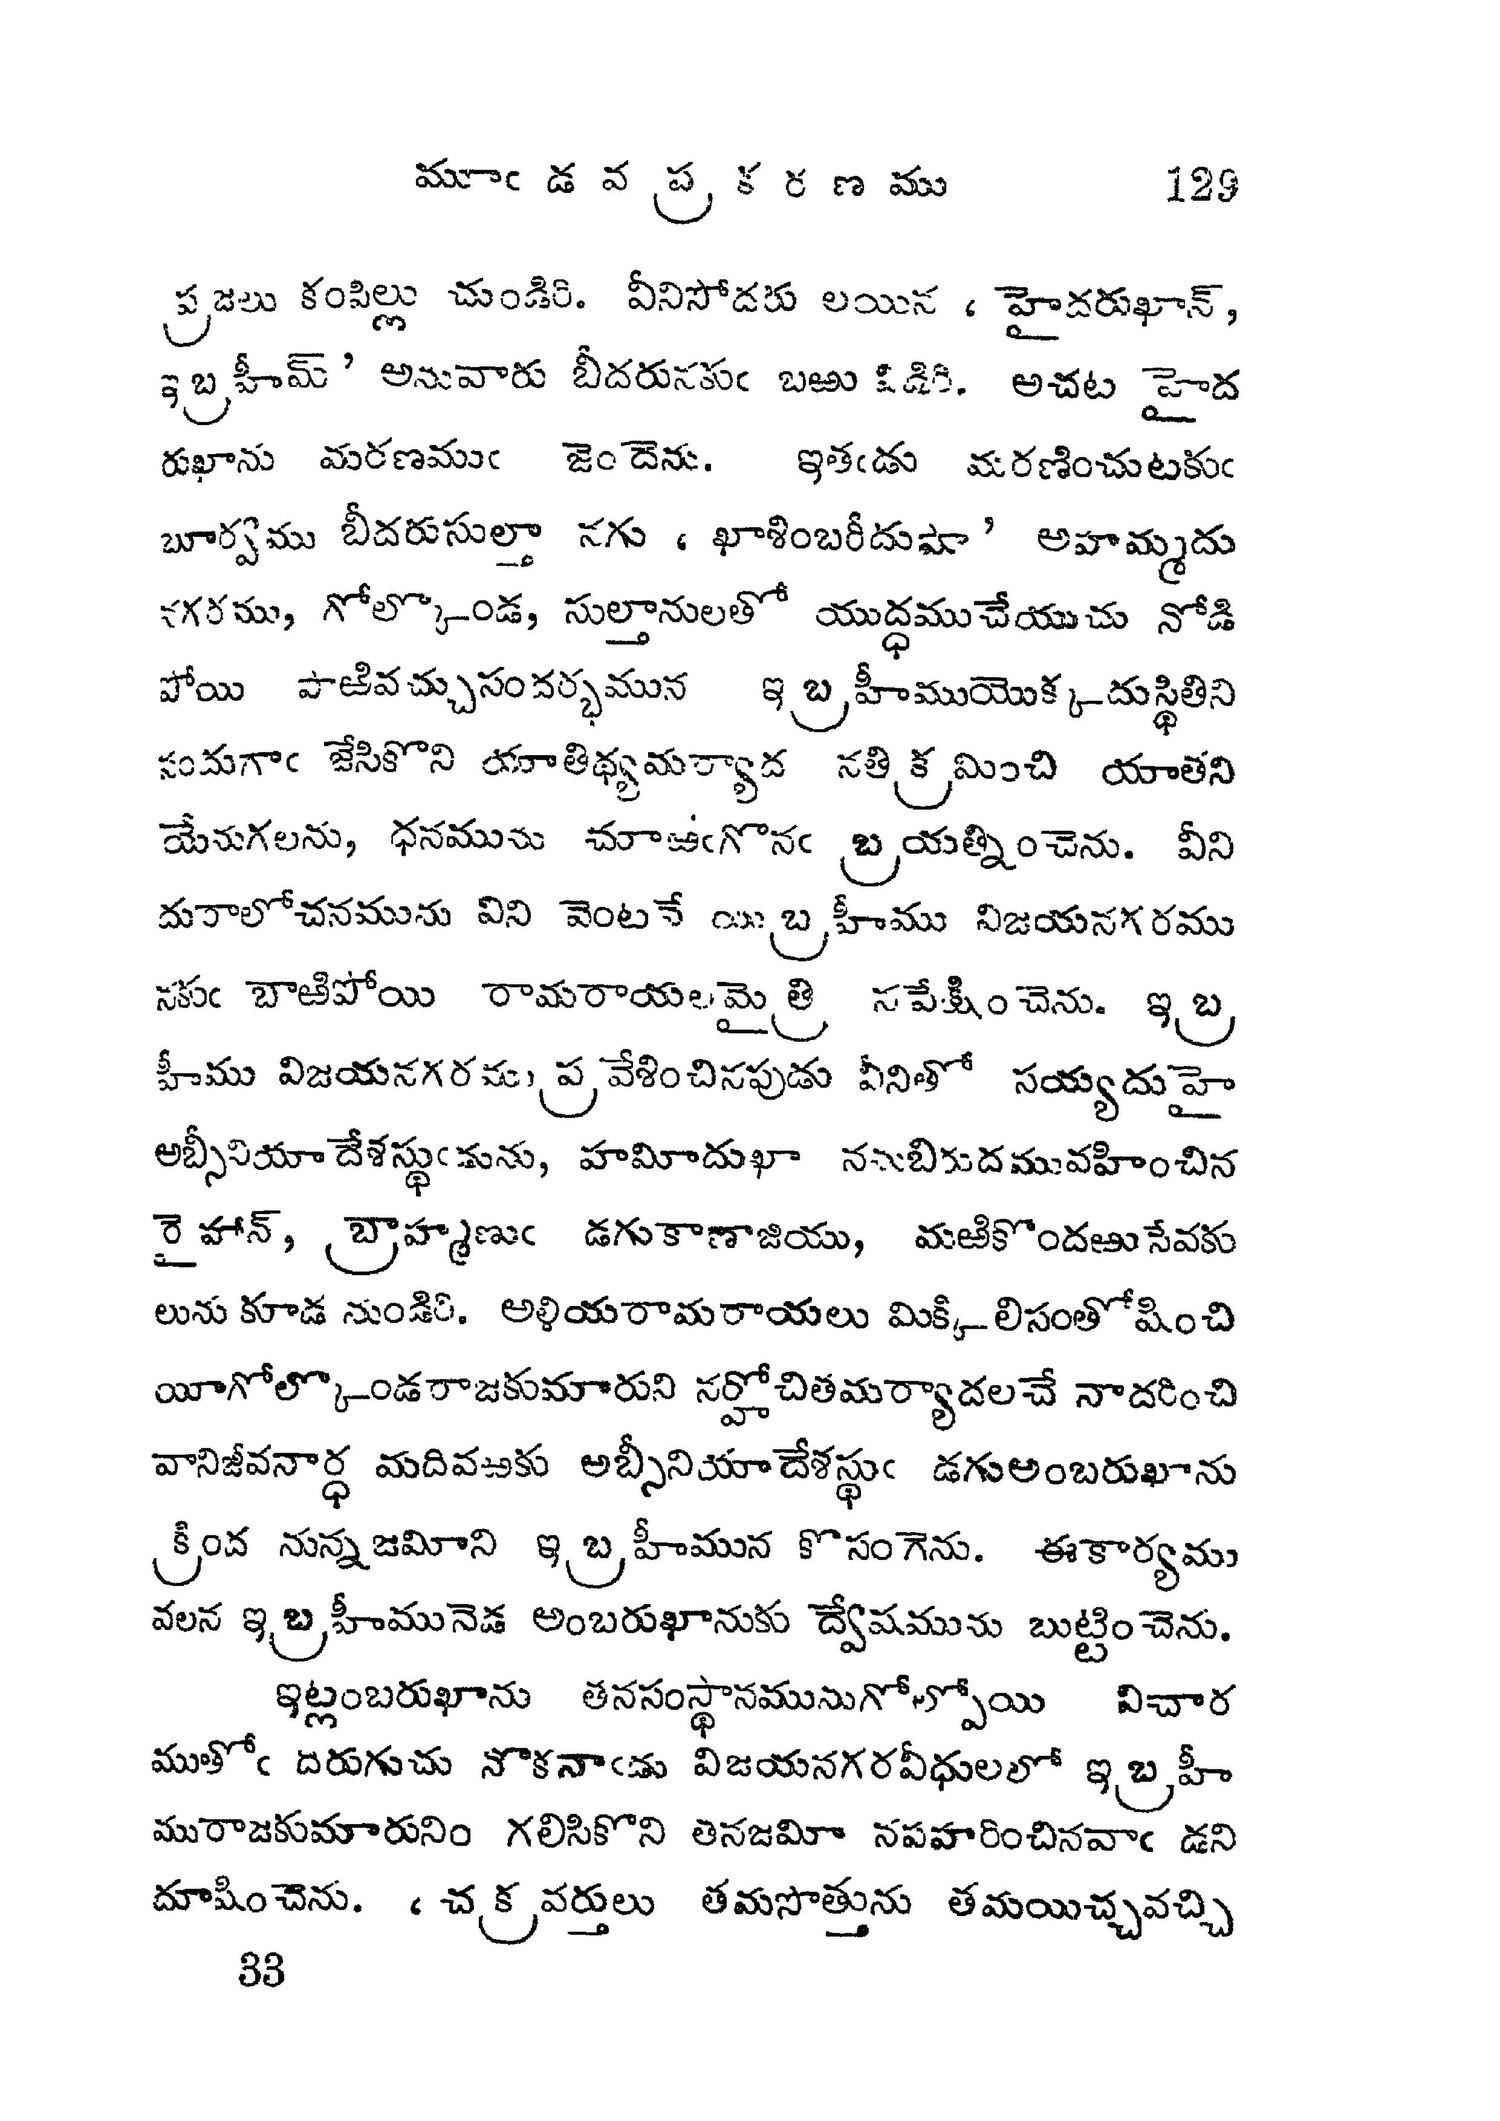ప్రజలు కంపిల్లు చుండిరి. వీనిసోదరు లయిన 'హైదరుఖాన్, ఇబ్రహీమ్‌' అనువారు బీదరునకు బఱు విడిరి. అచట హైదరుఖాను మరణము జెందెను. ఇతడు మరణించుటకు బూర్వము బీదరుసుల్తా నగు 'ఖాశింబరీదుషా' అహమ్మదు నగరము, గోల్కొండ, సుల్తానులతో యుద్ధముచేయుచు నోడిపోయి పాఱివచ్చుసందర్భమున ఇబ్రహీముయొక్క దుస్థితిని నందుగా జేసికొని యాతిథ్యమర్యాద నతిక్రమించి యాతని యేనుగులను, ధనమును చూఱగొన బ్రయత్నించెను. వీని దురాలోచనమును విని వెంటనే యిబ్రహీము విజయనగరమునకు బాఱిపోయి రామరాయలమైత్రి నపేక్షించెను. ఇబ్రహీము విజయనగరము ప్రవేశించినపుడు వీనితో సయ్యదుహై అబ్సీనియాదేశస్థుడును, హమీదుఖా ననుబిరుదమువహించిన రైహాన్, బ్రాహ్మణు డగుకాణాజియు, మఱికొందఱుసేనకులును కూడ నుండిరి. అళియరామరాయలు మిక్కిలిసంతోషించి యీగోల్కొండరాజకుమారుని నర్హోచితమర్యాదలచే నాదరించి వానిజీవనార్ధ మదివఱకు అబ్సీనియాదేశస్థు డగు అంబరుఖాను క్రింద నున్నజమీని ఇబ్రహీమున కొసంగెను. ఈకార్యము వలన ఇబ్రహీమునెడ అంబరుఖానును ద్వేషమును బుట్టించెను.

ఇట్లంబరుఖాను తనసంస్థానమునుగోల్పోయి విచారముతో దిరుగుచు నొకనాడు విజయనగరవీధులలో ఇబ్రహీమురాజకుమారునిం గలిసికొని తనజమీ నపహరించినవా డని దూషించెను. చక్రవర్తులు తమసొత్తును తమయిచ్చవచ్చి